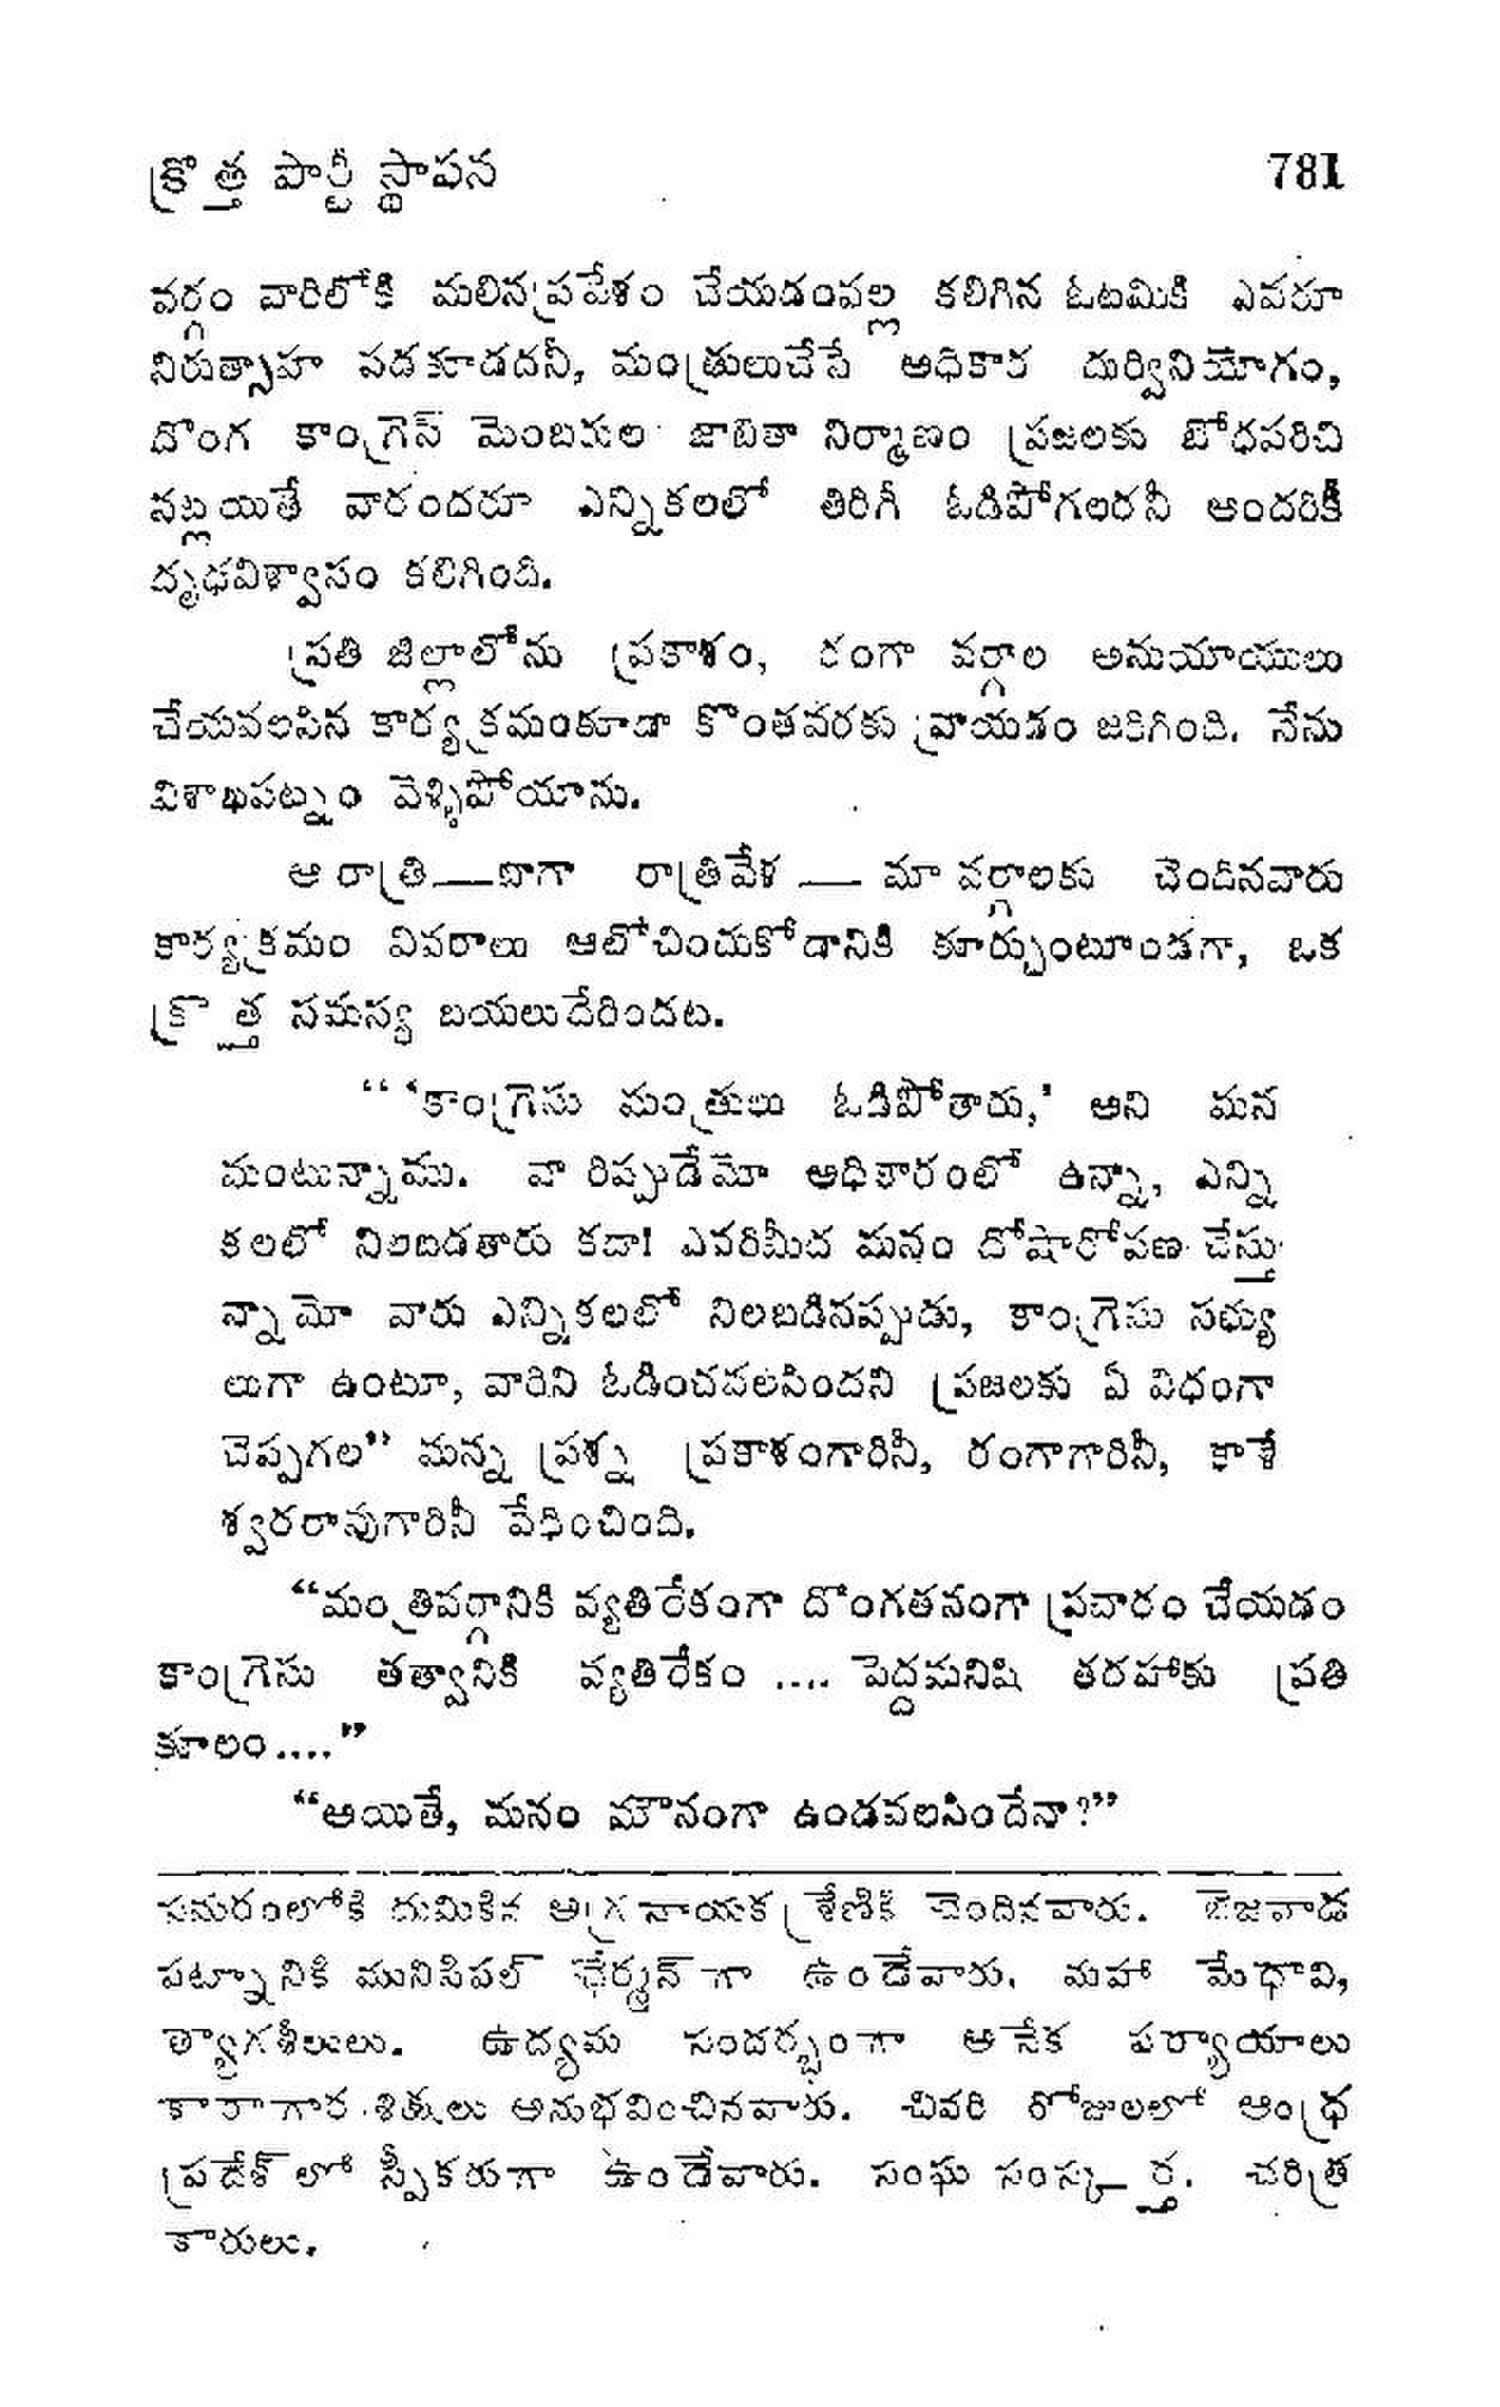వర్గం వారిలోకి మలినప్రవేశం చేయడంవల్ల కలిగిన ఓటమికి ఎవరూ నిరుత్సాహ పడకూడదనీ, మంత్రులుచేసే అధికార దుర్వినియోగం, దొంగ కాంగ్రెస్ మెంబరుల జాబితా నిర్మాణం ప్రజలకు బోధపరిచినట్లయితే వారందరూ ఎన్నికలలో తిరిగి ఓడిపోగలరనీ అందరికీ దృడవిశ్వాసం కలిగింది.

ప్రతి జిల్లాలోనూ ప్రకాశం, రంగా వర్గాల అనుయాయులు చేయవలసిన కార్యక్రమంకూడా కొంతవరకు వ్రాయడం జరిగింది. నేను విశాఖపట్నం వెళ్ళిపోయాను.

ఆ రాత్రి - బాగా రాత్రివేళ - మా వర్గాలకు చెందినవారు కార్యక్రమం వివరాలు ఆలోచించుకోడానికి కూర్చుంటూండగా, ఒక క్రొత్త సమస్య బయలుదేరిందట.

"మంత్రివర్గానికి వ్యతిరేకంగా దొంగతనంగా ప్రచారం చేయడం కాంగ్రెసు తత్వానికి వ్యతిరేకం ..... పెద్దమనిషి తరహాకు ప్రతి కూలం...."

"అయితే, మనం మౌనంగా ఉండవలసిందేనా?"